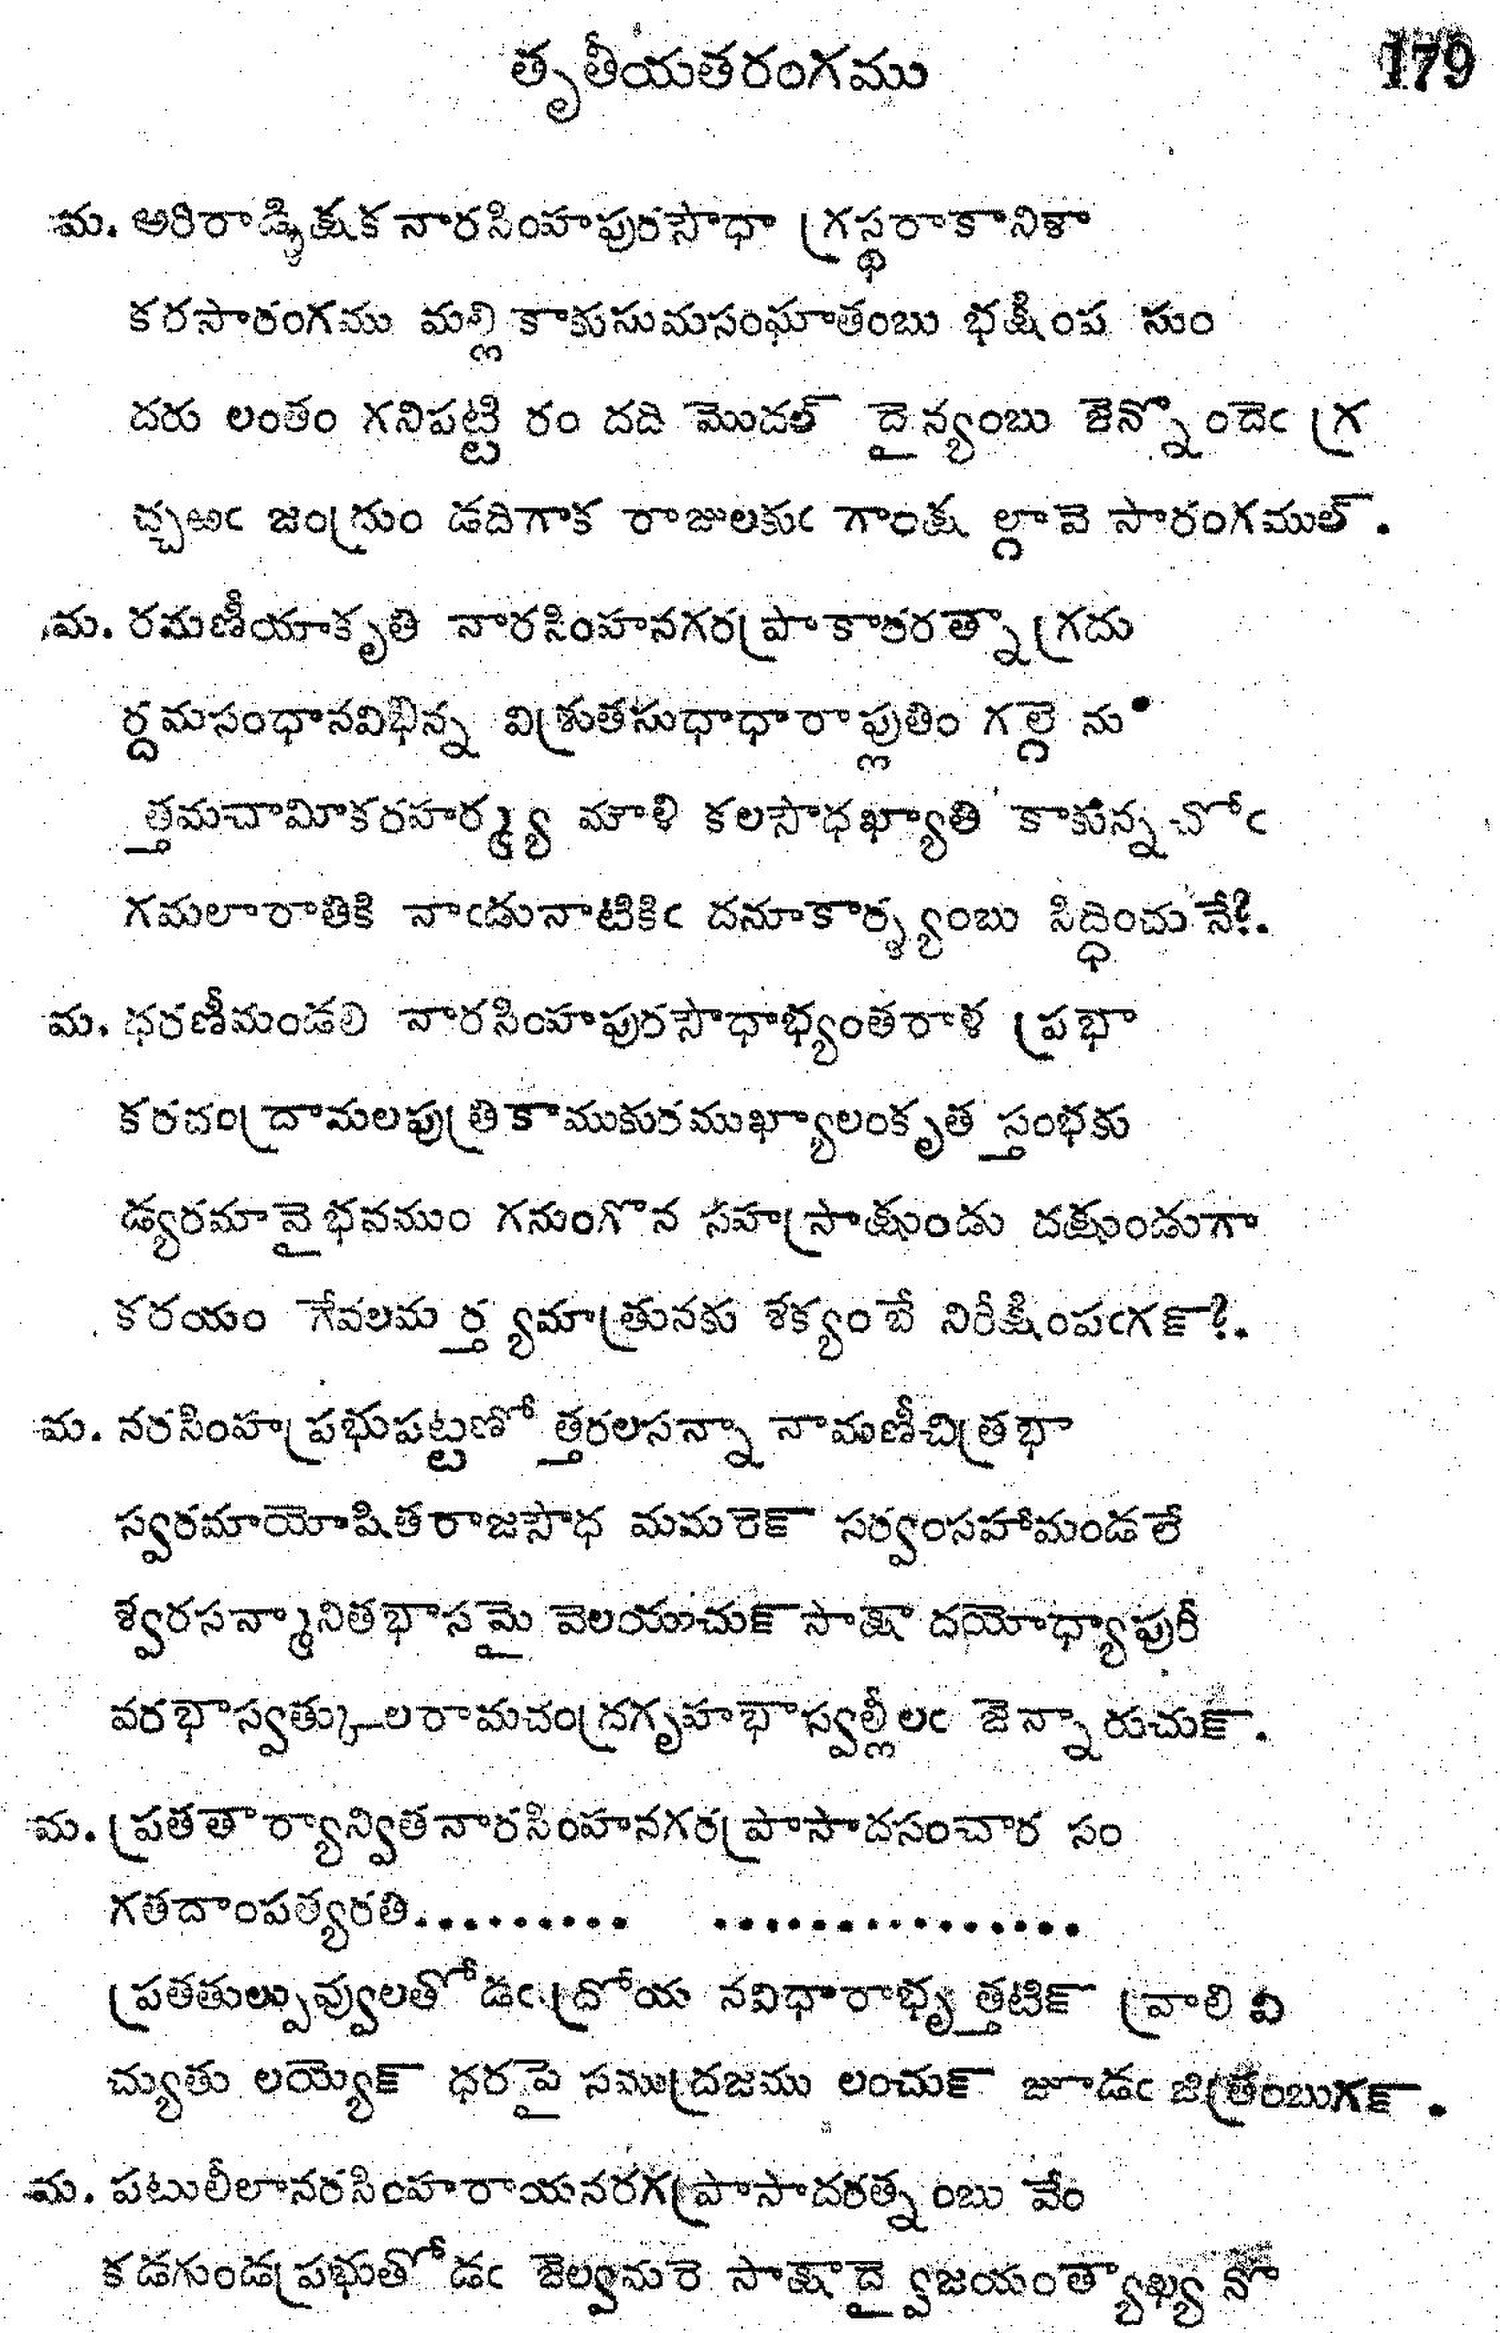మ. అరిరాడ్శిక్షకనారసింహపురసౌధాగ్రస్థరాకానిశా
 కరసారంగము మల్లికాకుసుమసంఘాతంబు భక్షింప సుం
 దరు లంతం గనిపట్టి రం దది మొదల్ దైన్యంబు జెన్నొందఁ గ్ర
 చ్చఱఁ జంద్రుం డదిగాక రాజులకుఁ గాంక్ష ల్గావె సారంగముల్.

మ. రమణీయాకృతి నారసింహనగరప్రాకారరత్నాగ్రదు
 ర్దమసంధానవిభిన్నవిశ్రుతసుధాధారప్లుతిం గల్గె ను
 త్తమచామీకరహర్మ్యమౌళి కలసౌధఖ్యాతి కాకున్నచోఁ
 గమలారాతికి నాఁడునాటికిఁ దనూకార్శ్యంబు సిద్ధించునే?

మ. ధరణీమండలి నారసింహపురసౌధాభ్యంతరాళప్రభా
 కరచంద్రామలపుత్రికాముకురముఖ్యాలంకృతస్తంభకు
 డ్యరమావైభవముం గనుంగొన సహస్రాక్షుండు దక్షుండుగా
 కరయం గేవలమర్త్యమాత్రునకు శక్యంబే నిరీక్షింపఁగన్?

మ. నరసింహప్రభుపట్టణోత్తరలసన్నానామణీచిత్రభా
 స్వరమాయోషితరాజసౌధ మమరెన్ సర్వంసహామండలే
 శ్వరసన్మానితభాసమై వెలయుచున్ సాక్షా దయోధ్యాపురీ
 వరభాస్వత్కులరామచంద్రగృహభాస్వల్లీలఁ జెన్నారుచున్.

మ. ప్రతతార్యాన్వితనారసింహనగరప్రాసాదసంచారసం
 గతదాంపత్యరతి...........................................
 ప్రతతు ల్పువ్వులతోడఁ ద్రోయ నవిధారాభృత్తటిన్ వ్రాలి వి
 చ్యుతు లయ్యెన్ ధరపై సముద్రజము లంచున్ జూడఁ జిత్రంబుగన్.

మ. పటులీలానరసింహరాయనగరప్రాసాదరత్నంబు వేం
 కటగుండప్రభుతోడఁ జెల్వమరె సాక్షాద్వైజయంత్యాఖ్య నొ